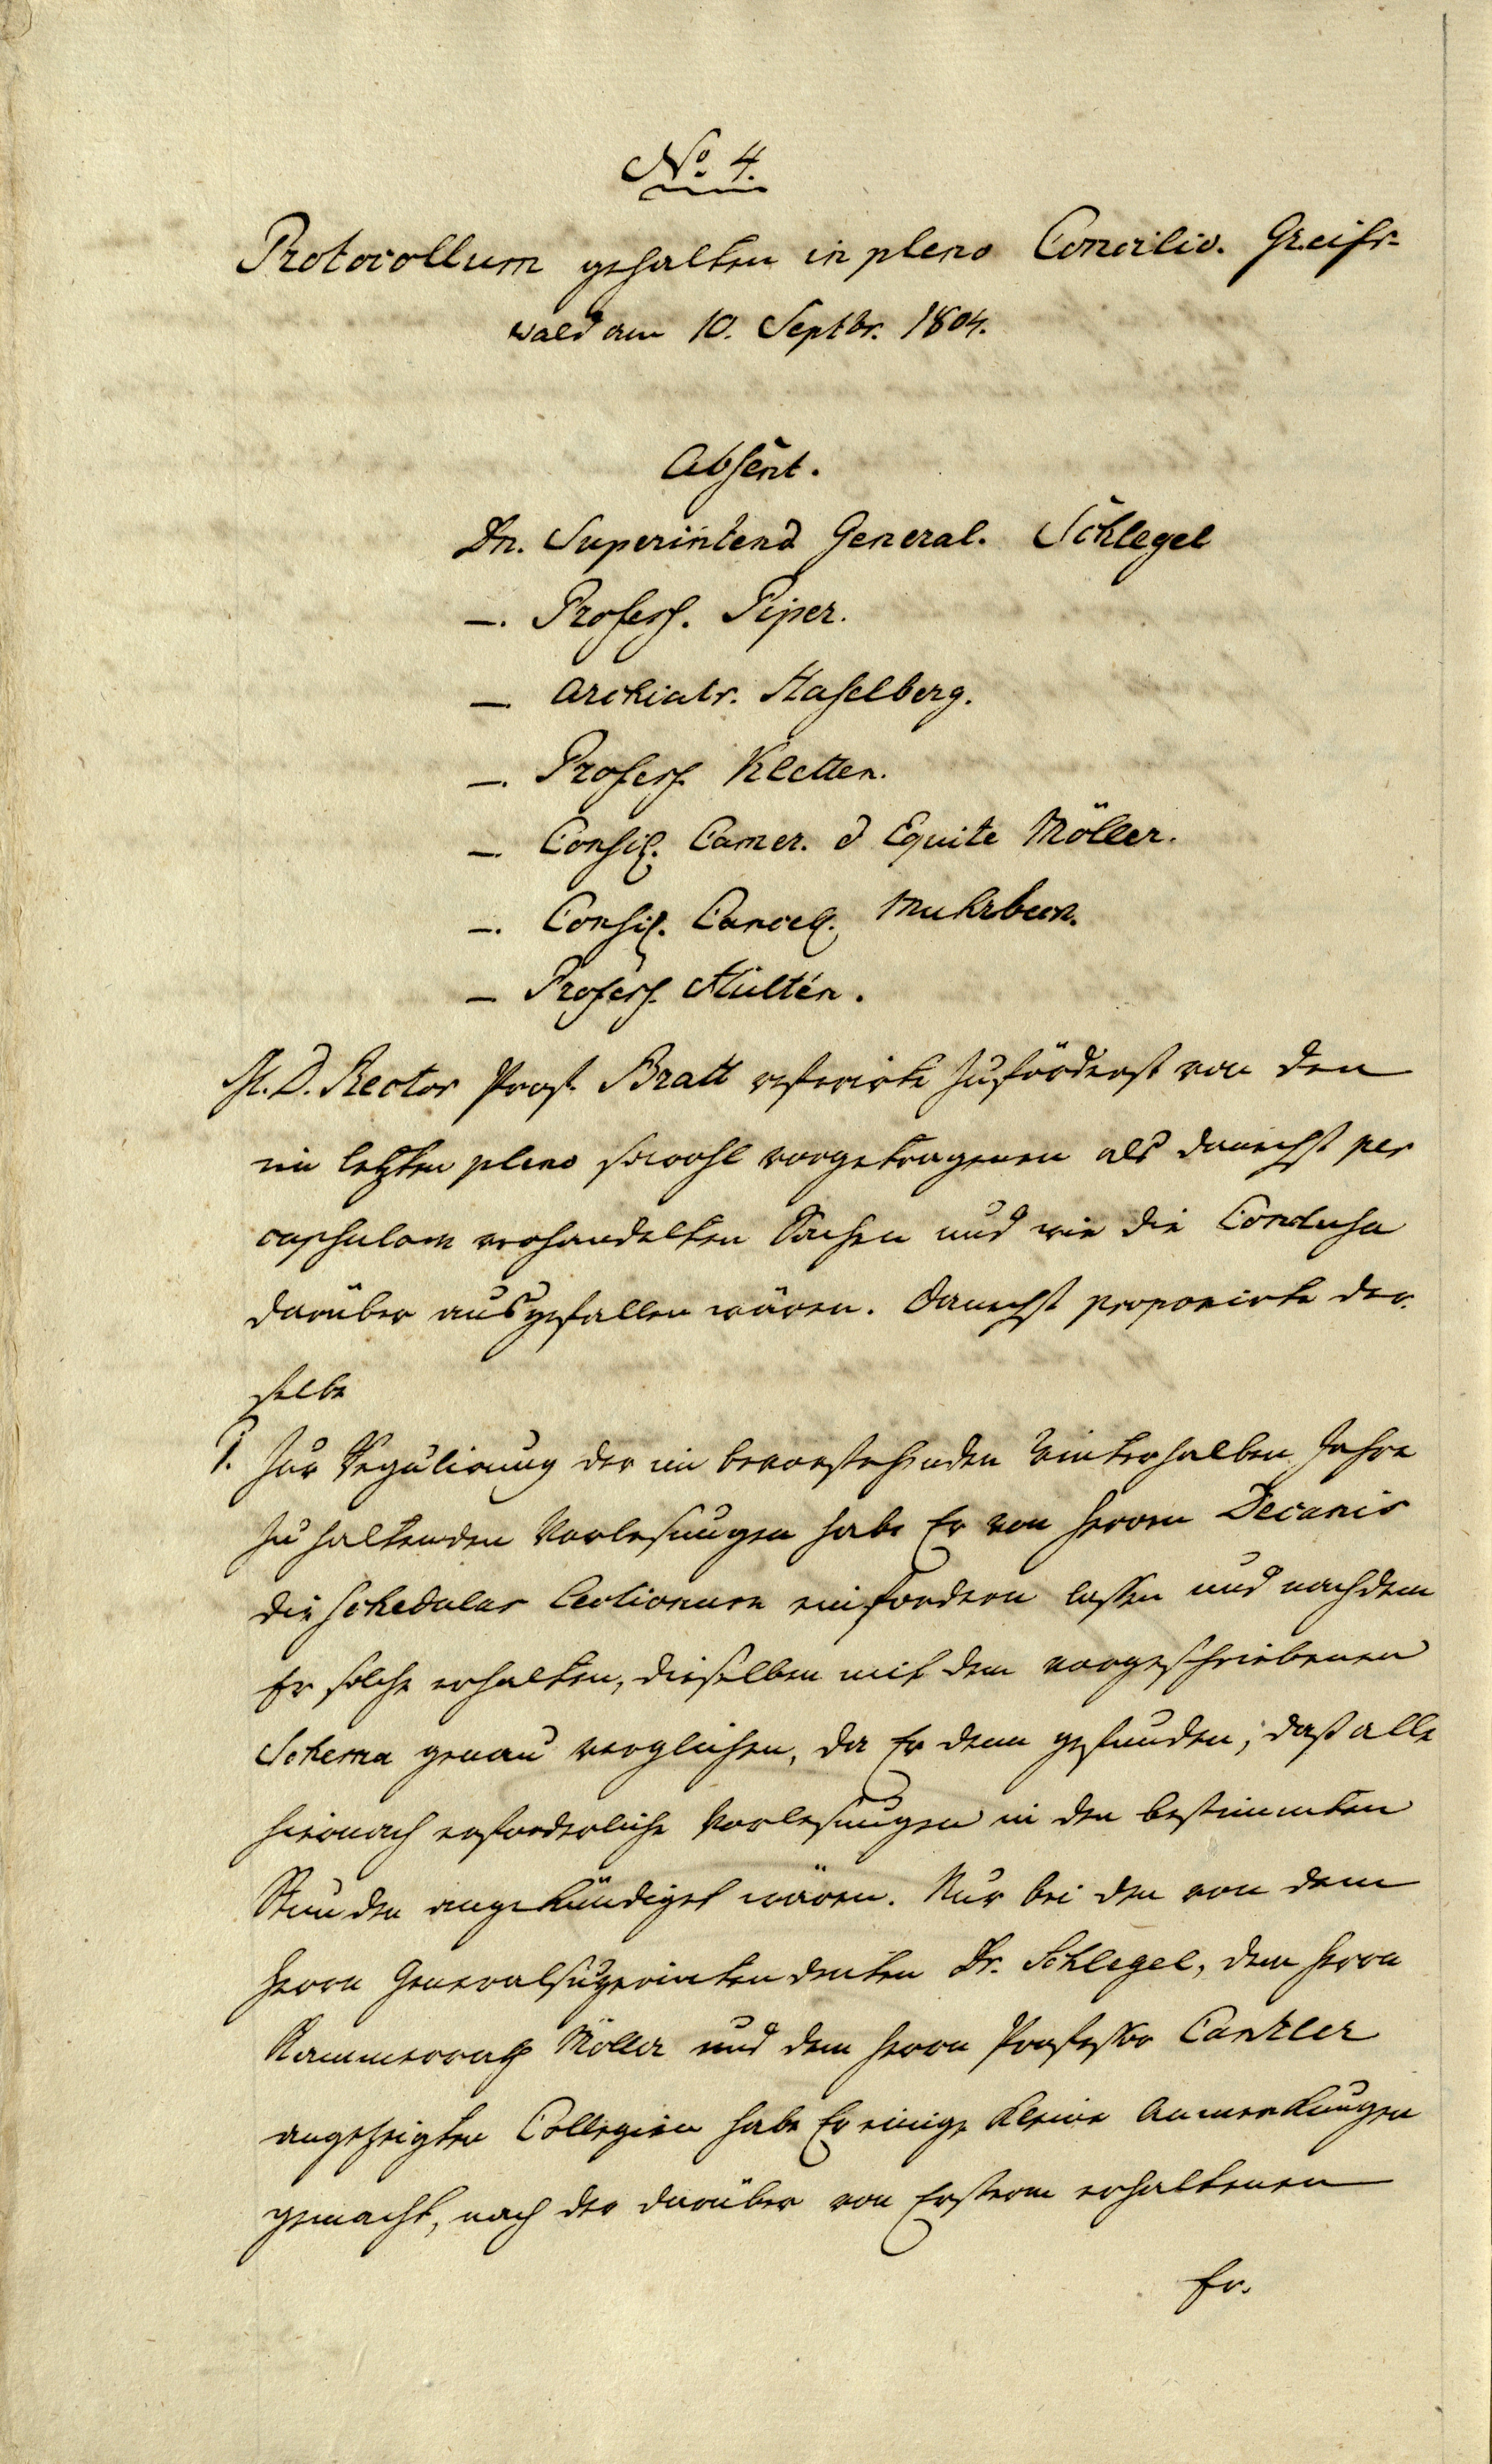No 4.
Protocollum gehalten in pleno Concilio. Greifs¬
wald am 10. Septbr. 1804.
Absent.
Dn. Superintend General. Schlegel
Profess. Piper.
Archiatr. Haselberg.
Profess. Kletten.
Consis. Camer. d Equite Möller.
Consis. Cancell., Muhrbeck.
Profess. Hultén.
M. D. Rector Prof. Bratt referirte zuförderst von den
im letzten pleno sowohl vorgetragenen als danechst per
capsulam verhandelten Sachen und wie die Conclusa
darüber ausgefallen wären. Danechst proponirte der¬
selbe
1. Zur Regulirung der im bevorstehenden Winterhalben Jahre
zu haltenden Vorlesungen habe Er von Herren Decanis
die schedulas Lectionum einfordern lassen und nachdem
Er solche erhalten, dieselben mit dem vorgeschriebenen
Schema genau verglichen, da Er denn gefunden; daß alle
hiernach erforderliche Vorlesungen in den bestimmten
Stunden angekündiget wären. Nur bei den von dem
Herrn Generalsuperintendenten Dr. Schlegel, dem Herrn
Kammerrath Möller und dem Herrn Professor Canzler
angezeigten Collegien habe Er einige kleine Anmerkungen
gemacht, nach der darüber von Ersterm erhaltenen
Er¬